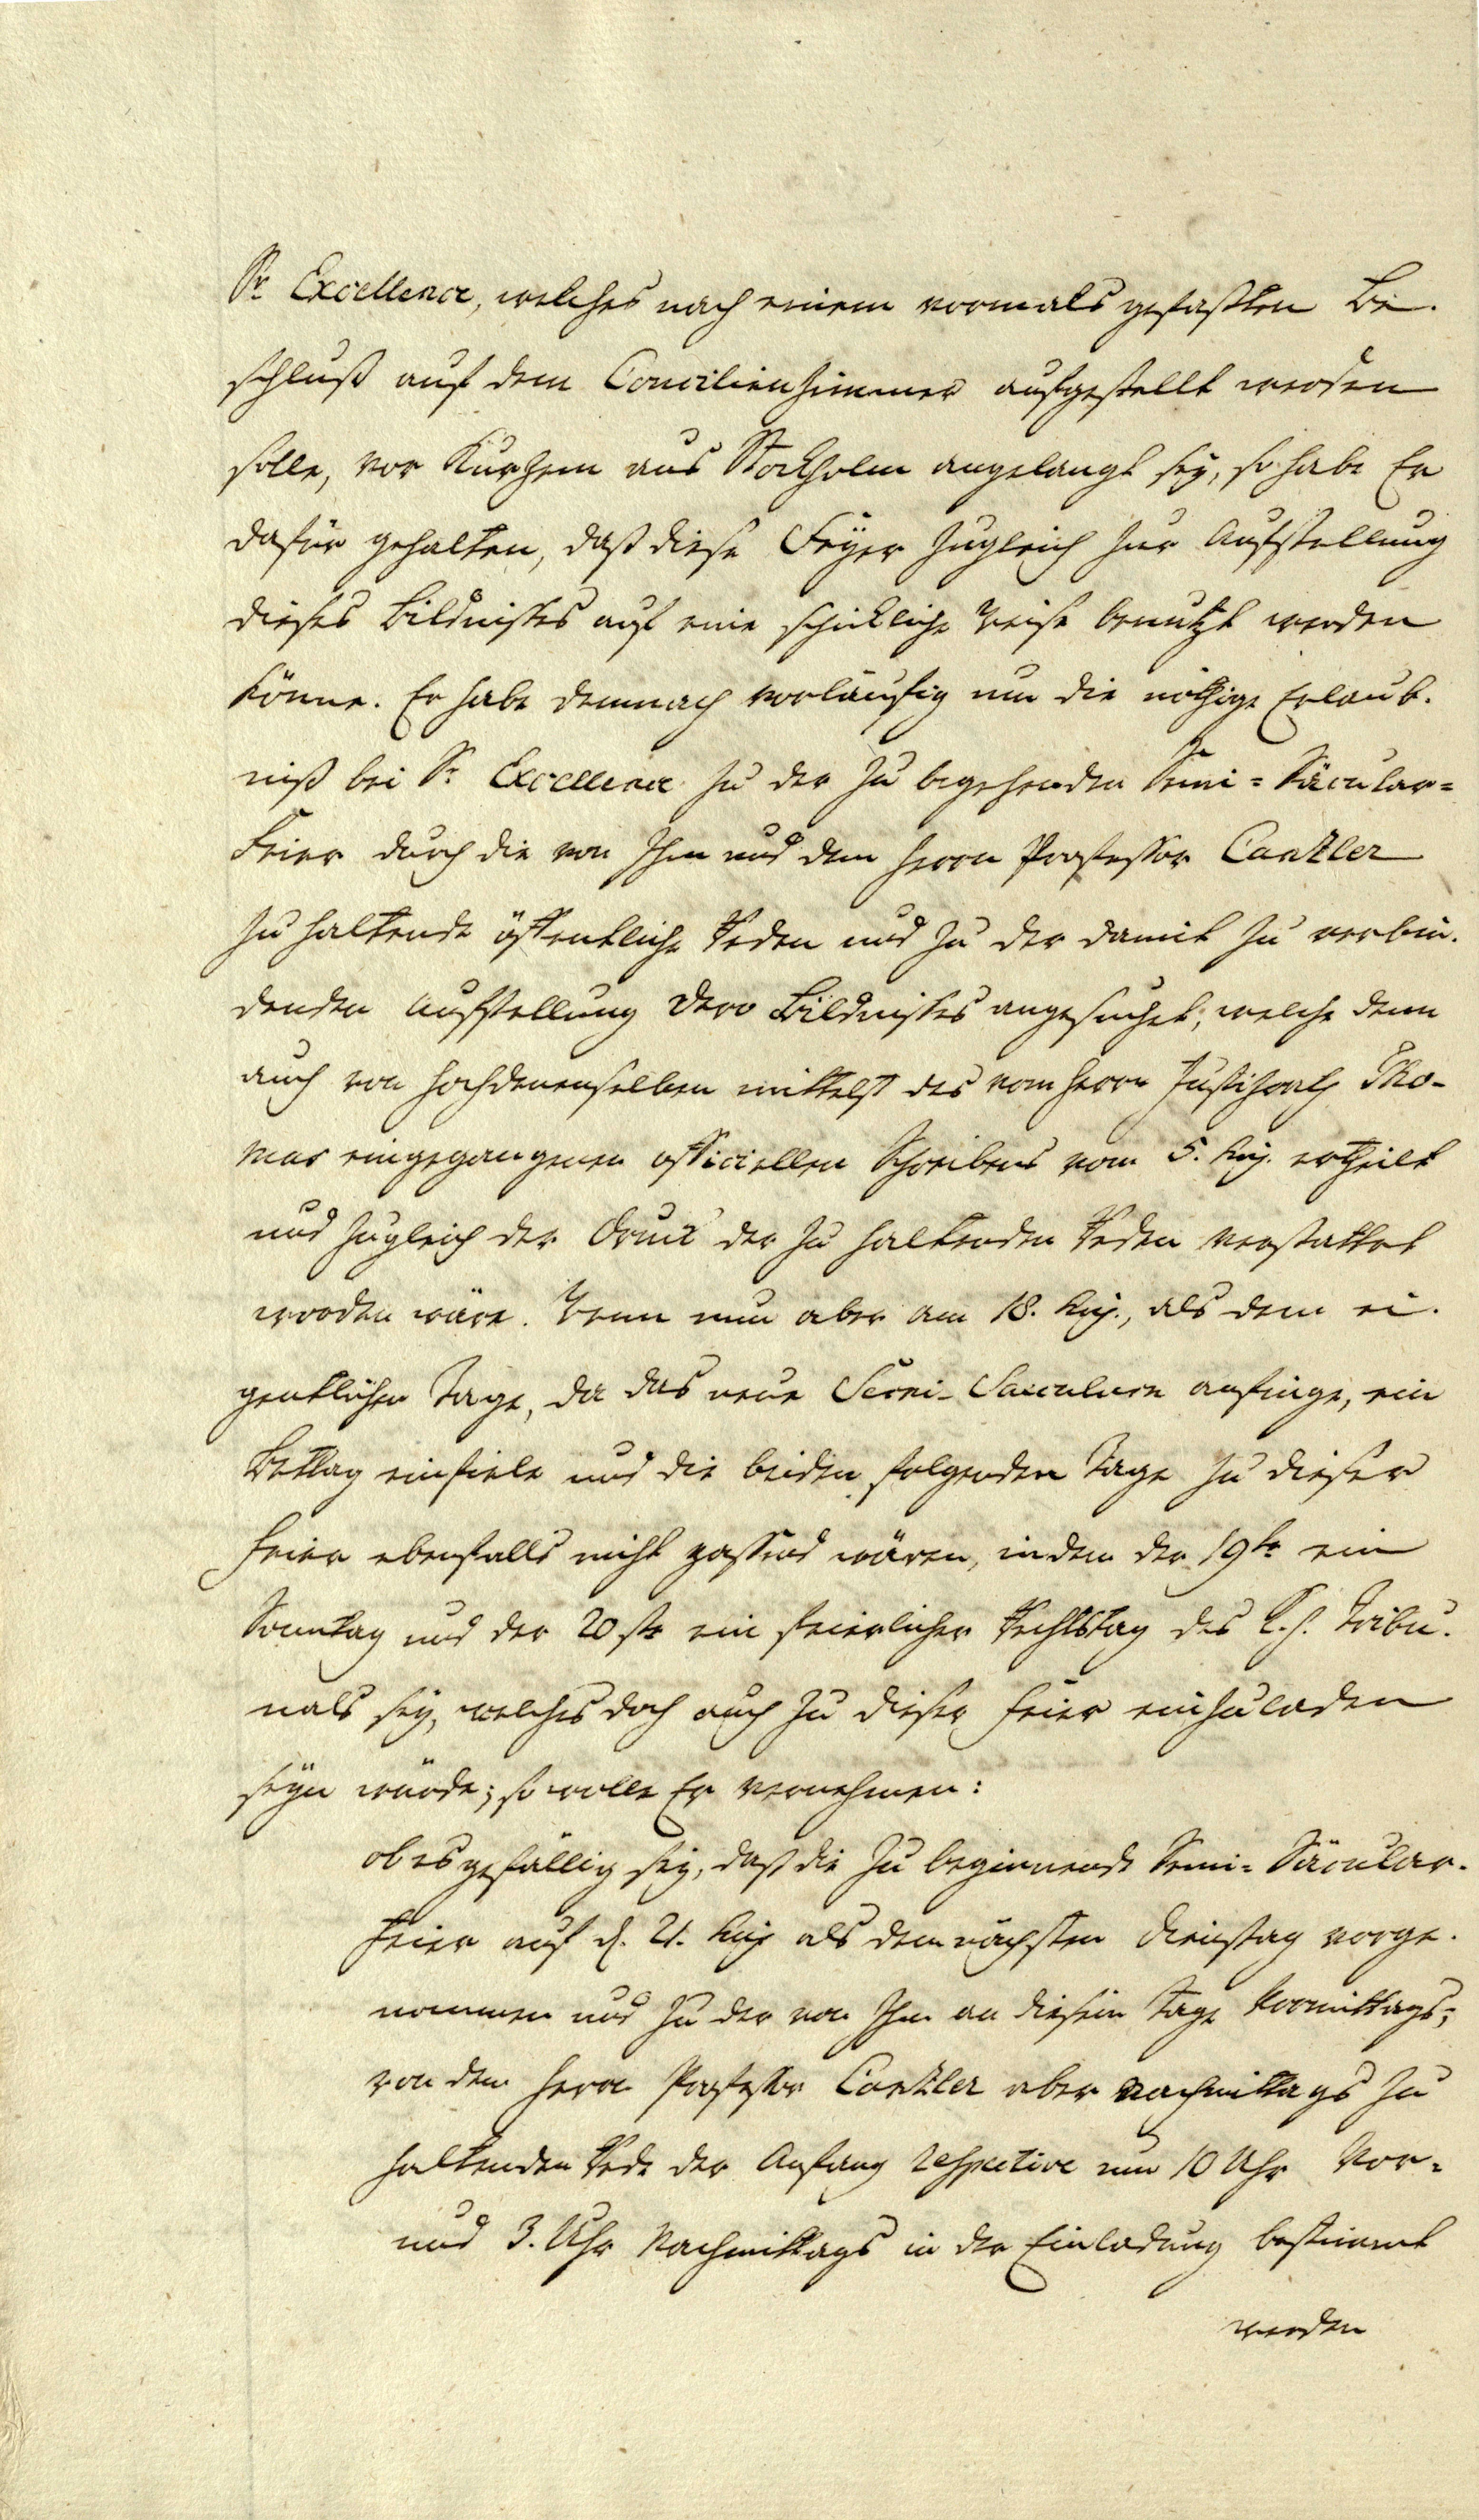Sr. Excellence, welches nach einem vormals gefaßten Be¬
schluß auf dem Concilienzimmer aufgestellet werden
solle, vor Kurzem aus Stockholm angelangt seÿ, so habe Er
dafür gehalten, daß diese Feÿer zugleich zur Aufstellung
diese Bildnisses auf eine schickliche Weise benutzt werden
könne. Er habe demnach vorläufig um die nöthige Erlaub¬
nis bei Sr. Excellence zu der zu begehenden Semi-Säcular¬
Feier durch die von Ihm und dem herrn Professor Canzler
zu haltende öffentliche Reden und zu der damit zu verbin¬
denden Aufstellung dero Bildnisses angesuchet, welche denn
auch von hochdenenselben mittelst des vom herrn Justizrath Tho¬
mas eingegangenen officiellen Schreibens vom 5. huj. ertheilt
und zugleich der Druck der zu haltenden Reden verstattet
worden wäre. Wenn nun aber am 18. huj., als dem ei¬
gentlichen Tage da das neue Semi-Saeculum anfinge, ein
Bettag einfiele und die beiden folgenden Tage zu dieser
Feier ebenfalls nicht passend wären, indem der 19te ein
Sonntag und der 20ste ein feierlicher Rechtstag des K. h. Tribu¬
nals seÿ, welches doch auch zu dieser Feier einzuladen
seÿn würde, so wolle Er vernehmen:
ob es gefällig seÿ, daß die zu beginnende Semi-Säcular¬
feier auf d. 21. huj. als dem nächsten Dienstag vorge¬
nommen und zu der von Ihm an diesem Tage Vormittags,
von dem herrn Professor Canzler aber Nachmittags zu
haltenden Rede der Anfang respective um 10 Uhr Vor¬
und 3. Uhr Nachmittags in der Einladung bestimmt
werden